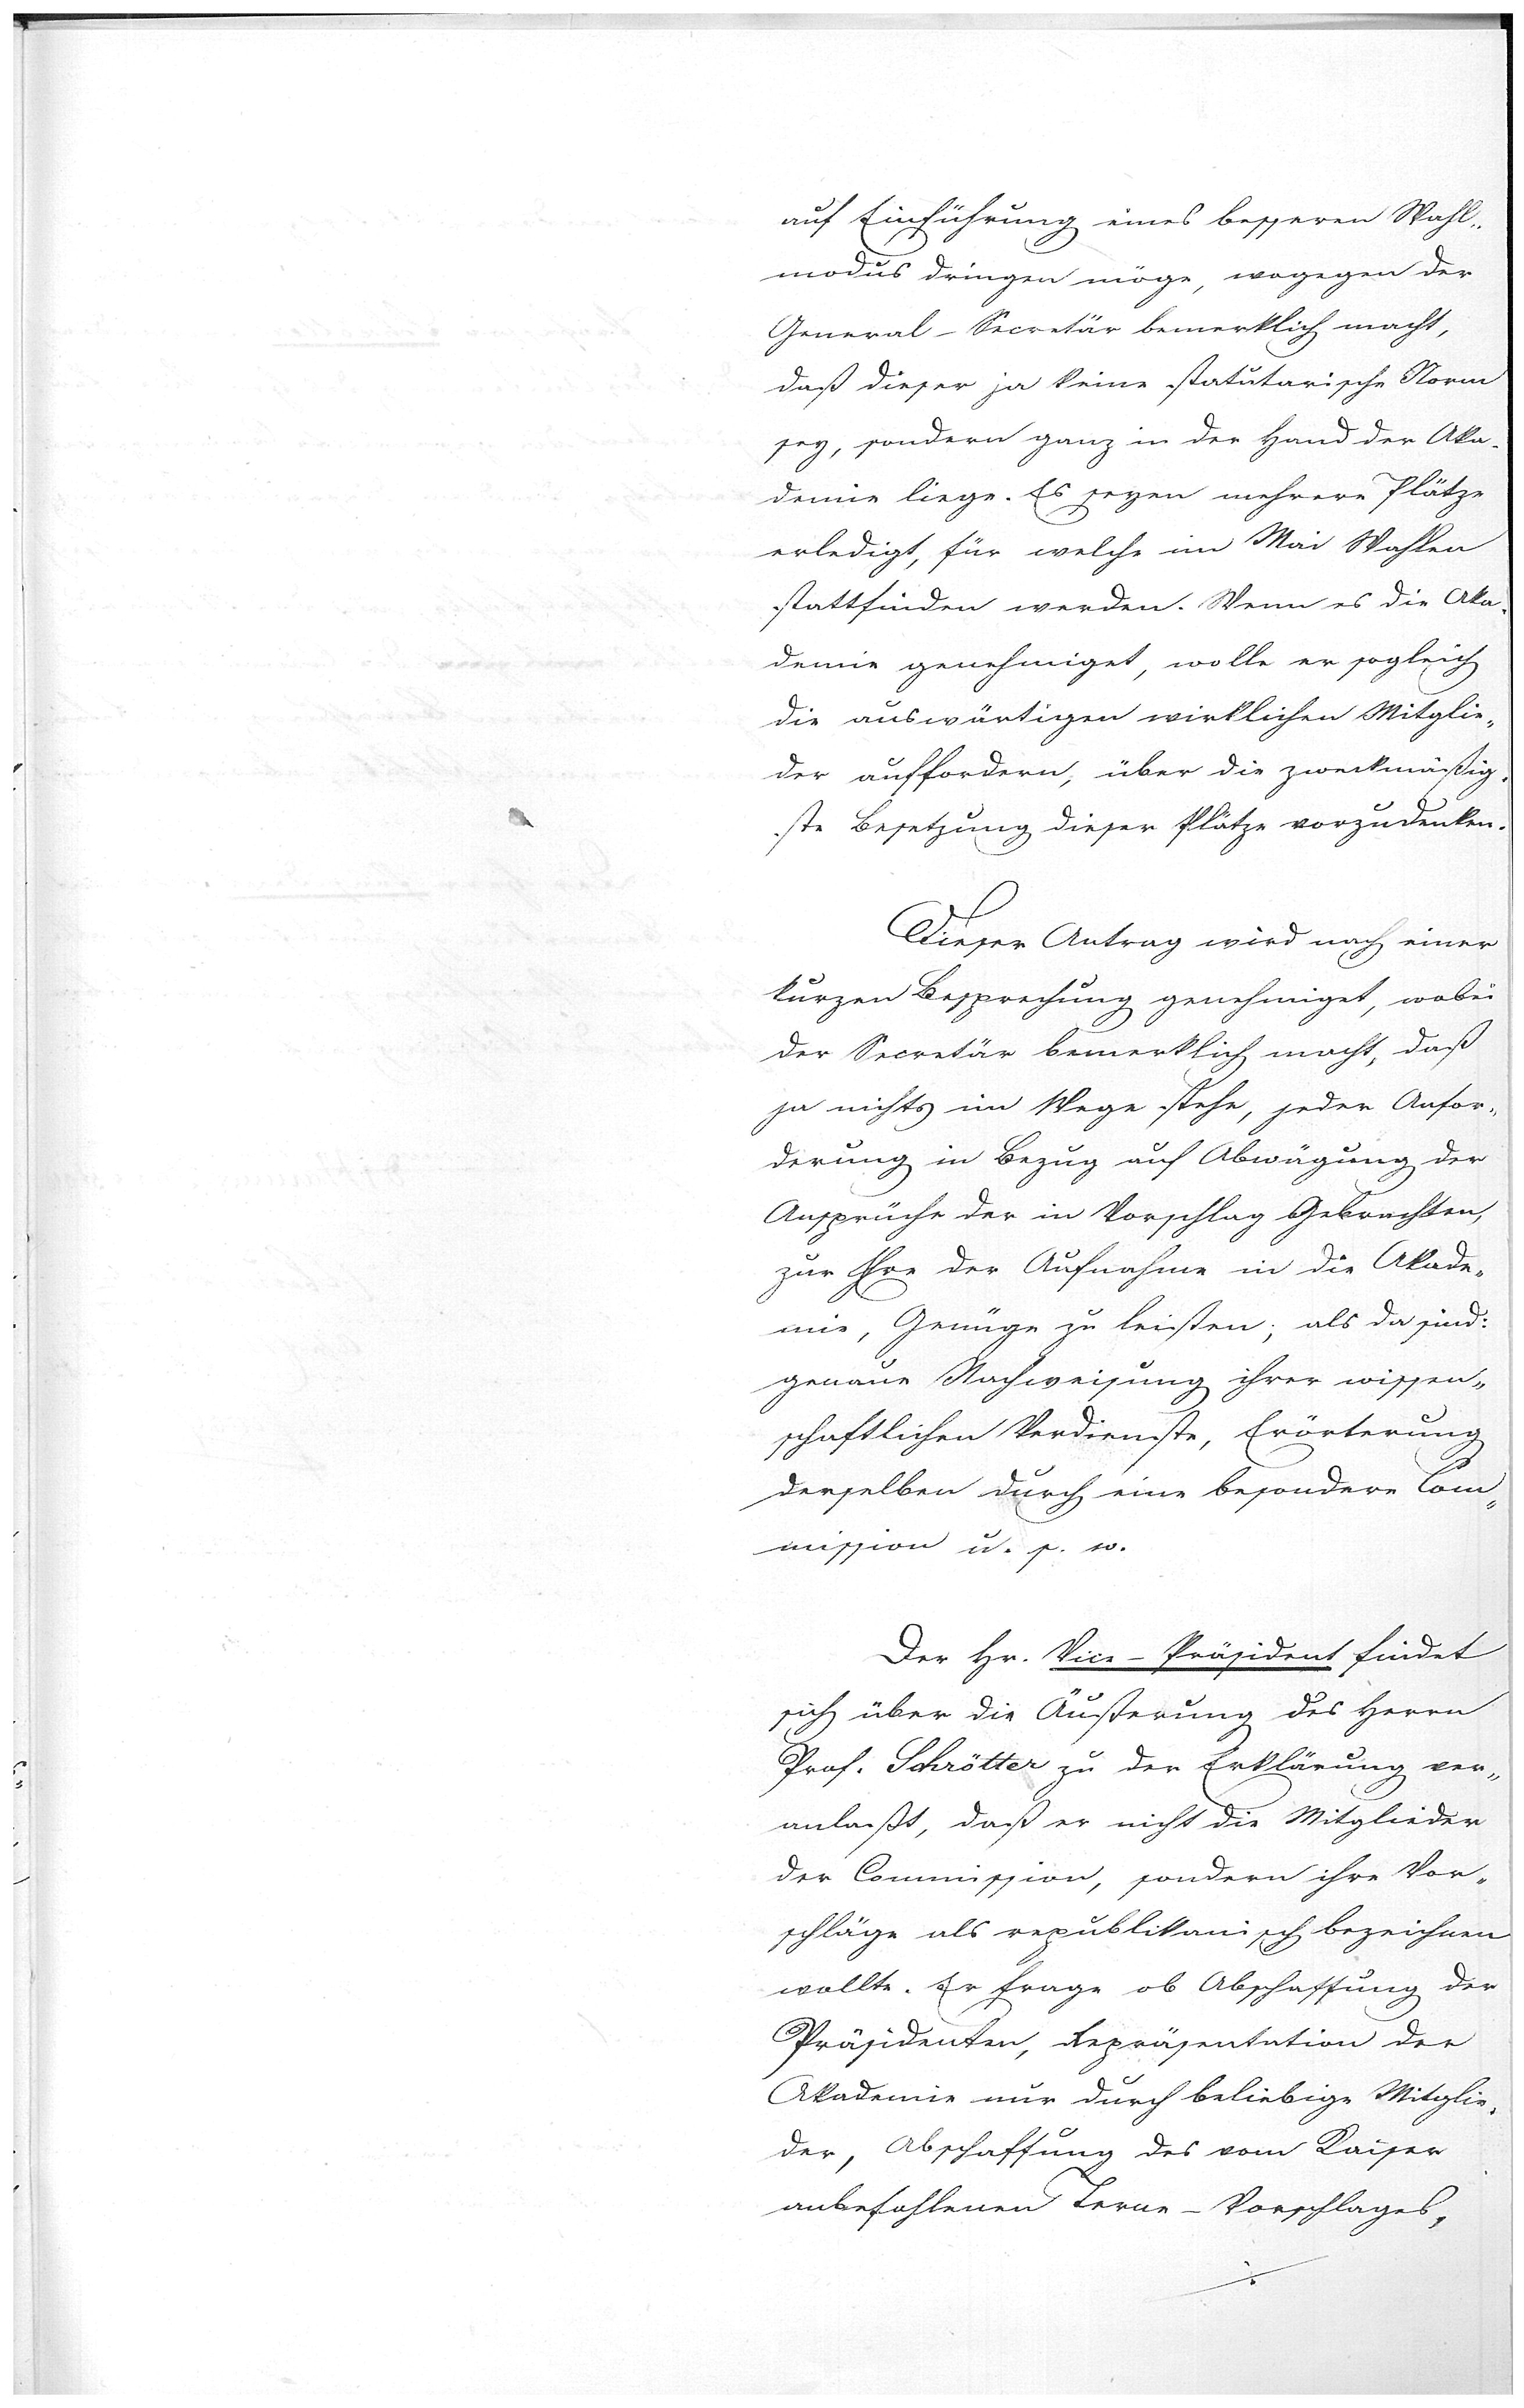auf Einführung eines besseren Wahl-
modus dringen möge, wogegen der
General-Secretär bemerklich macht,
daß dieser ja keine statutarische Norm
sey, sondern ganz in der Hand der Aka-
demie liege. Es seyen mehrere Plätze
erledigt, für welche im Mai Wahlen
stattfinden werden. Wenn es die Aka-
demie genehmiget, wolle er sogleich
die auswärtigen wirklichen Mitglie-
der auffordern, über die zweckmäßig-
ste Besetzung dieser Plätze vorzudenken.
Dieser Antrag wird nach einer
kurzen Besprechung genehmiget, wobei
der Secretär bemerklich macht, daß
ja nichts in Wege stehe, jeder Anfor-
derung in Bezug auch Abwägung der
Ansprüche der in Vorschlag Gebrachten,
zur Ehre der Aufnahme in die Akade-
nur, Genüge zu leisten, als da sind
genaue Nachweisung ihrer wissen-
schaftlichen Verdienste, Erörterung
derselben durch eine besondere Com-
mission u. s. w.
Der Hr. Vice-Präsident findet
sich über die Äußerung des Herrn
Prof. Schrötter zu der Erklärung ver-
anlaßt, daß er nicht die Mitglieder
der Commission, sondern ihre Vor-
schläge als republikanisch bezeichnen
wollte. Er frage ob Abschaffung der
Präsidenten, Repräsentation der
Akademie nur durch beliebige Mitglie-
der, Abschaffung des vom Kaiser
anbefohlenen Terne-Vorschlages,